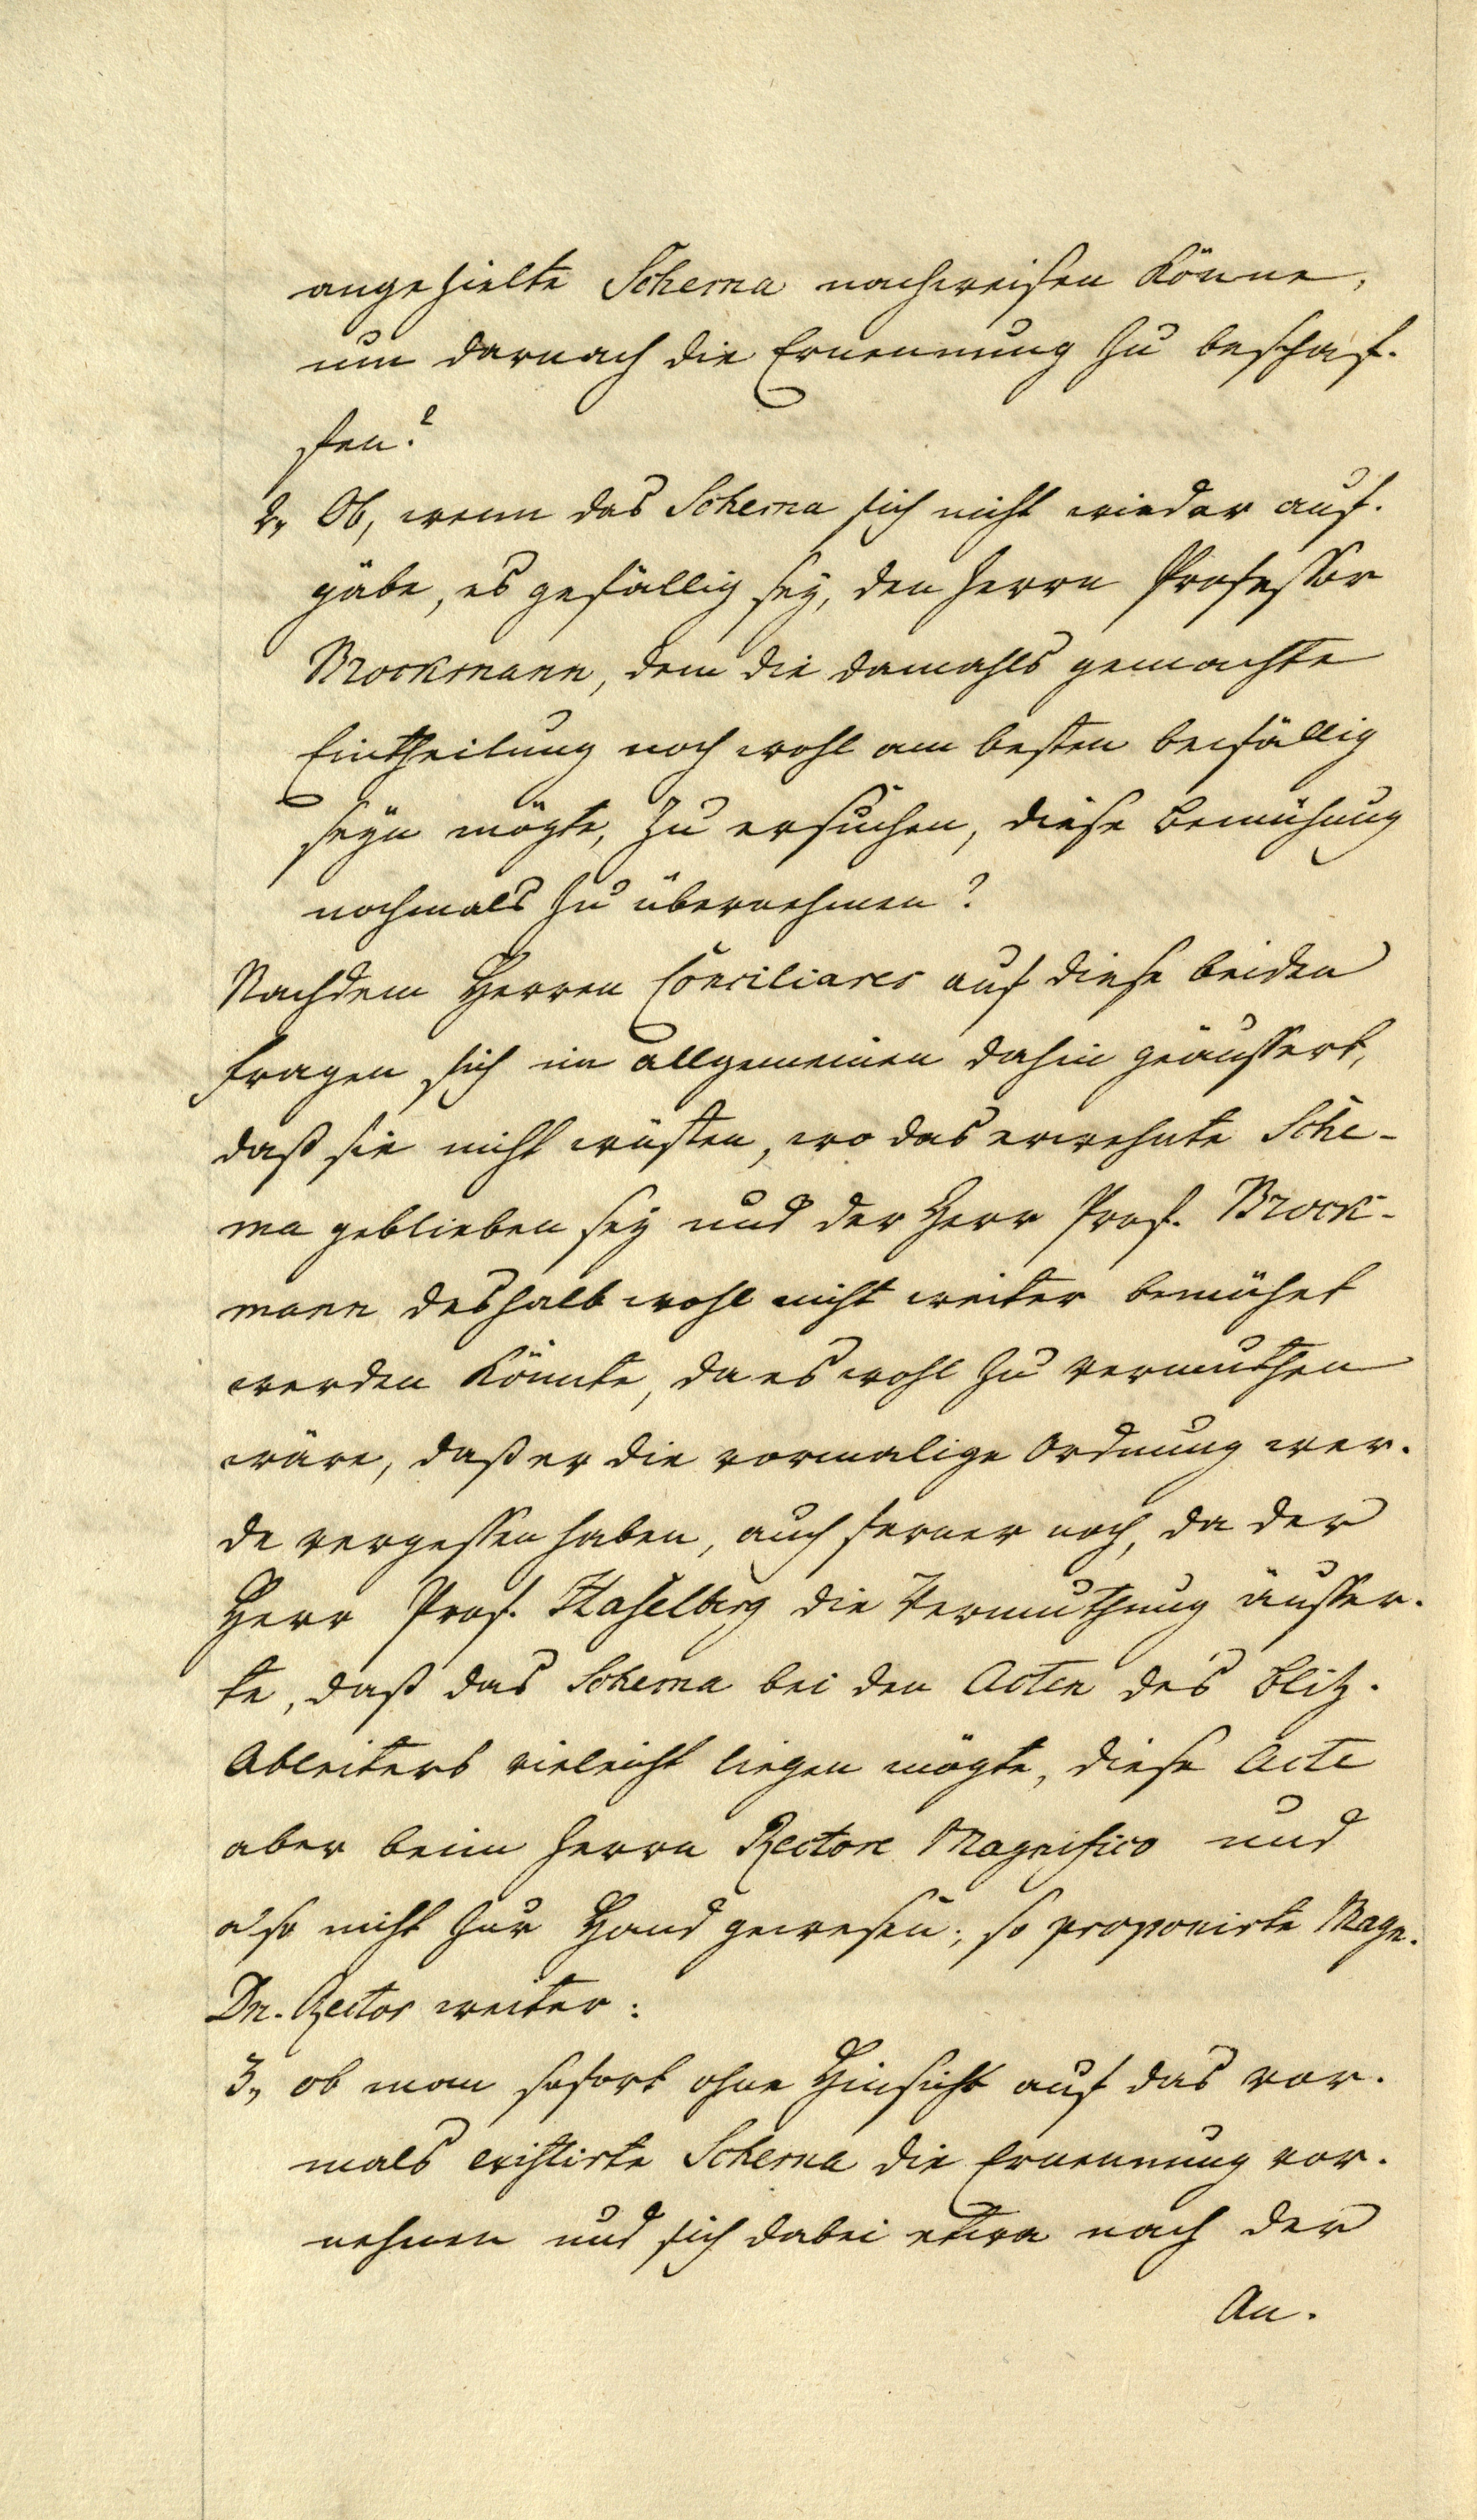angezielte Schema nachweisen könne,
um darnach die Ernennung zu beschaf-
fen?
2. Ob, wenn das Schema sich nicht wieder auf-
gäbe, es gefällig sey, den herrn Professor
Brockmann, dem die damahls gemachte
Eintheilung noch wohl am besten beifällig
seyn mögte, zu ersuchen, diese Bemühung
nochmals zu übernehmen?
Nachdem Herren Conciliares auf diese beiden
Fragen sich im allgemeinen dahin geäussert,
daß sie nicht wüßten, wo das erwehnte Sche-
ma geblieben sey und der herr Prof. Brock-
mann deshalb wohl nicht weiter bemühet
werden könnte, da es wohl zu vermuthen
wäre, daß er die vormalige Ordnung wer-
de vergessen haben, auch ferner nach, da der
Herr Prof. Haselberg, die Vermuthung äusser-
te, daß das Schema bei den Acten des Blitz-
Ableiters vielleicht liegen mögte, diese Acte
aber beim herrn Rectore Magnifico und
also nicht zur Hand gewesen: so proponirte Magn.
Dn. Rector weiter:
3., ob man sofort ohne Hinsicht auf das vor-
mals existirte Schema die Ernennung vor-
nehmen und sich dabei etwa nach der
An-